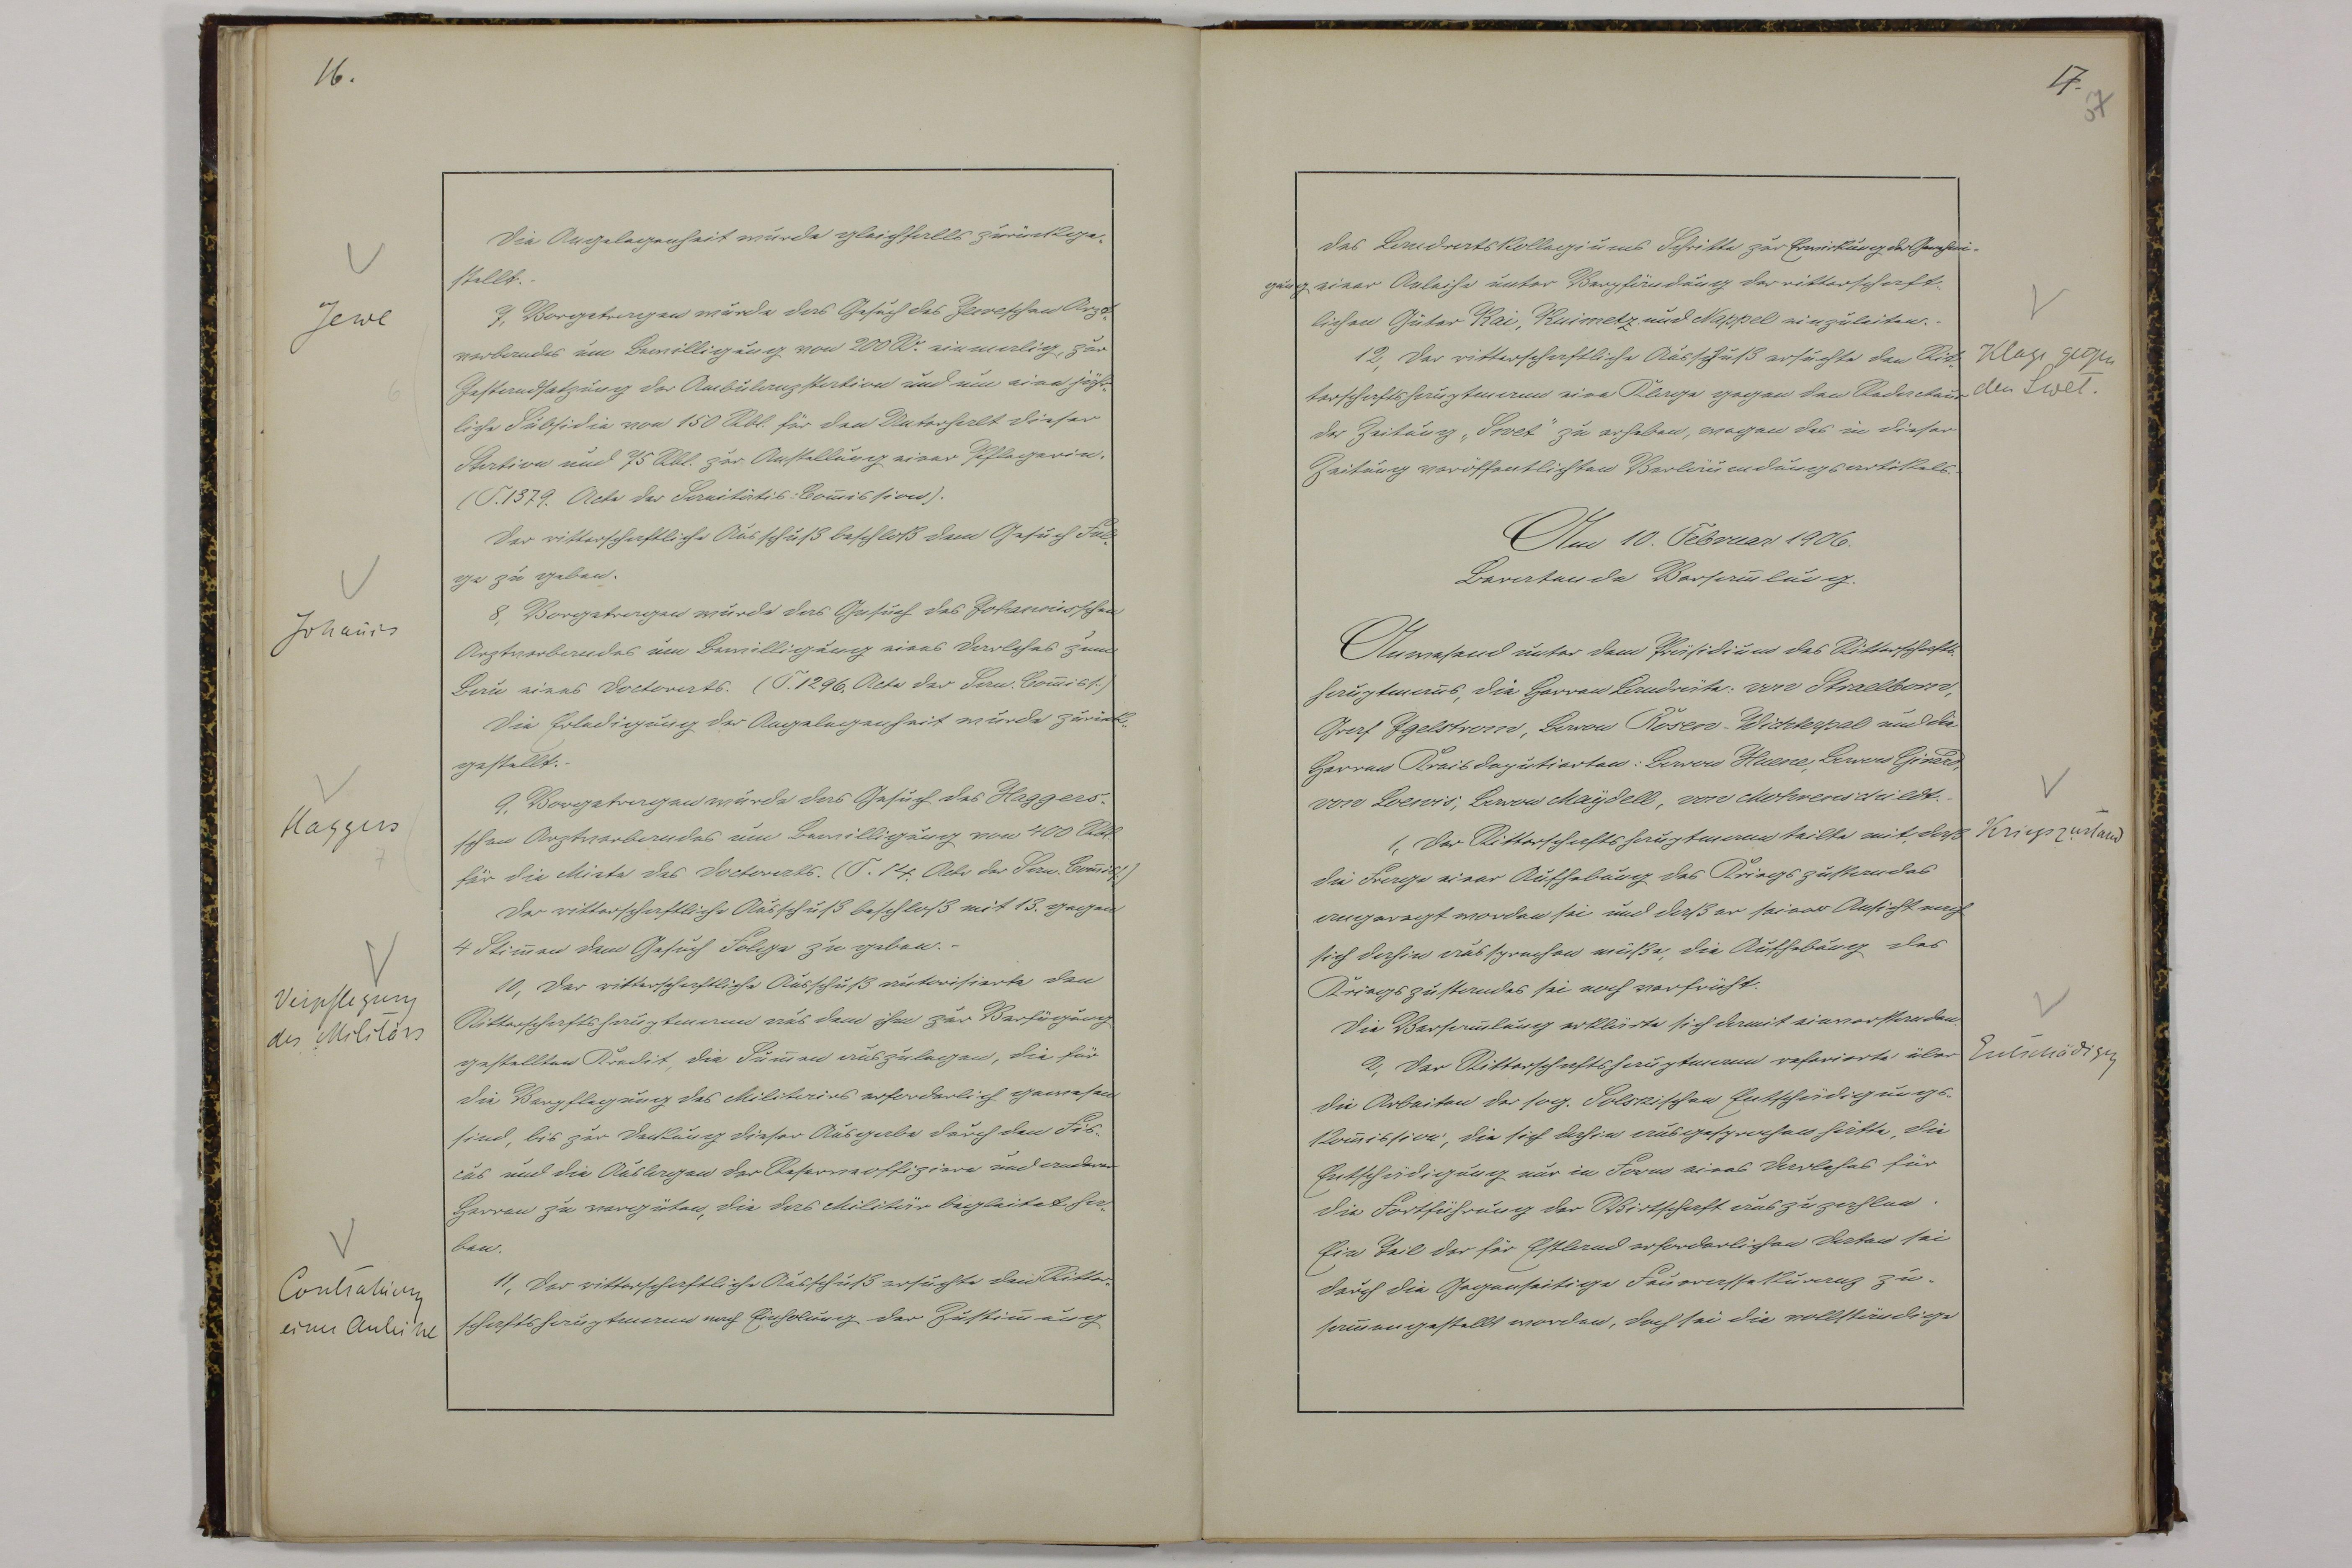Jewe
Johannis
Haggers
Verpflegung
des Militärs
Contrahierung
einer Anleihe
Die Angelegenheit wurde gleichfalls zurückge-
stellt.
7. Vorgetragen wurde das Gesuch des Jeweschen Arzt-
verbandes um Bewilligung von 200 Ro. einmalig, zur
Instandsetzung der Ambulanzstation und um eine jähr-
liche Subsidie von 150 Rbl. für den Unterhalt dieser
Station und 75 Rbl. zur Anstellung einer Pflegerin.
(T.1379. Acte der Sanitätis-Commission).
Der ritterschaftliche Ausschuß beschloß, dem Gesuch Fol-
ge zu geben.
8. Vorgetragen wurde das Gesuch des Johannisschen
Arztverbandes um Bewilligung eines Darlehns zum
Bau eines Doctorats. (T.1296. Acte der San. Commiss.)
Die Erledigung der Angelegenheit wurde zurück-
gestellt.
9. Vorgetragen wurde das Gesuch des Haggers-
schen Arztverbandes um Bewilligung von 400 Rbl.
für die Miete des Doctorats. (T.14. Acte der San. Commiss.)
Der ritterschaftliche Ausschuß beschloß mit 13 gegen
4 Stimmen dem Gesuch Folge zu geben.
10. Der ritterschaftliche Ausschuß autorisierte den
Ritterschaftshauptmann, aus dem ihm zur Verfügung
gestellten Kredit, die Summen auszulegen, die für
die Verpflegung des Militairs erforderlich gewesen
sind, bis zur Deckung dieser Ausgabe durch den Fis-
cus, und die Auslagen der Reserveoffiziere und anderer
Herren zu vergüten, die das Militär begleitet ha-
ben.
11. Der ritterschaftliche Ausschuß ersuchte den Ritter-
schaftshauptmann, nach Einholung der Zustimmung
des Landratskollegiums Schritte zur Erwirkung der Genehmi-
gung einer Anleihe unter Verpfändung der ritterschaft-
lichen Güter Kai, Kuimetz und Nappel einzuleiten.
12. Der ritterschaftliche Ausschuß ersuchte den Rit-
terschaftshauptmann, eine Klage gegen den Redacteur
der Zeitung „Swet“ zu erheben, wegen des in dieser
Zeitung veröffentlichten Verläumdungsartikels.
Am 10. Februar 1906.
Beratende Versammlung
Anwesend unter dem Präsidium des Ritterschafts-
hauptmanns, die Herren Landräte: von Straelborn,
Graf Igelstrom, Baron Rosen-Wichterpal und die
Herren Kreisdeputierten: Baron Huene, Baron Girard,
von Loewis, Baron Maydell, von Mohrenschildt.
1. Der Ritterschaftshauptmann teilte mit, daß
die Frage einer Aufhebung des Kriegszustandes
angeregt worden sei und daß er seiner Ansicht nach
sich dahin aussprechen müße, die Aufhebung des
Kriegszustandes sei noch verfrüht.
Die Versammlung erklärte sich damit einverstanden.
2. Der Ritterschaftshauptmann referierte über
die Arbeiten der sog. Solskischen Entschädigungs-
kommission, die sich dahin ausgesprochen hätte, die
Entschädigung nur in Form eines Darlehns für
die Fortführung der Wirtschaft auszuzahlen.
Ein Teil der für Estland erforderlichen Daten sei
durch die Gegenseitige Feuerassekuranz zu-
sammengestellt worden, doch sei die vollständige
Klage gegen
den Swet.
Kriegszustand
Entschädigung